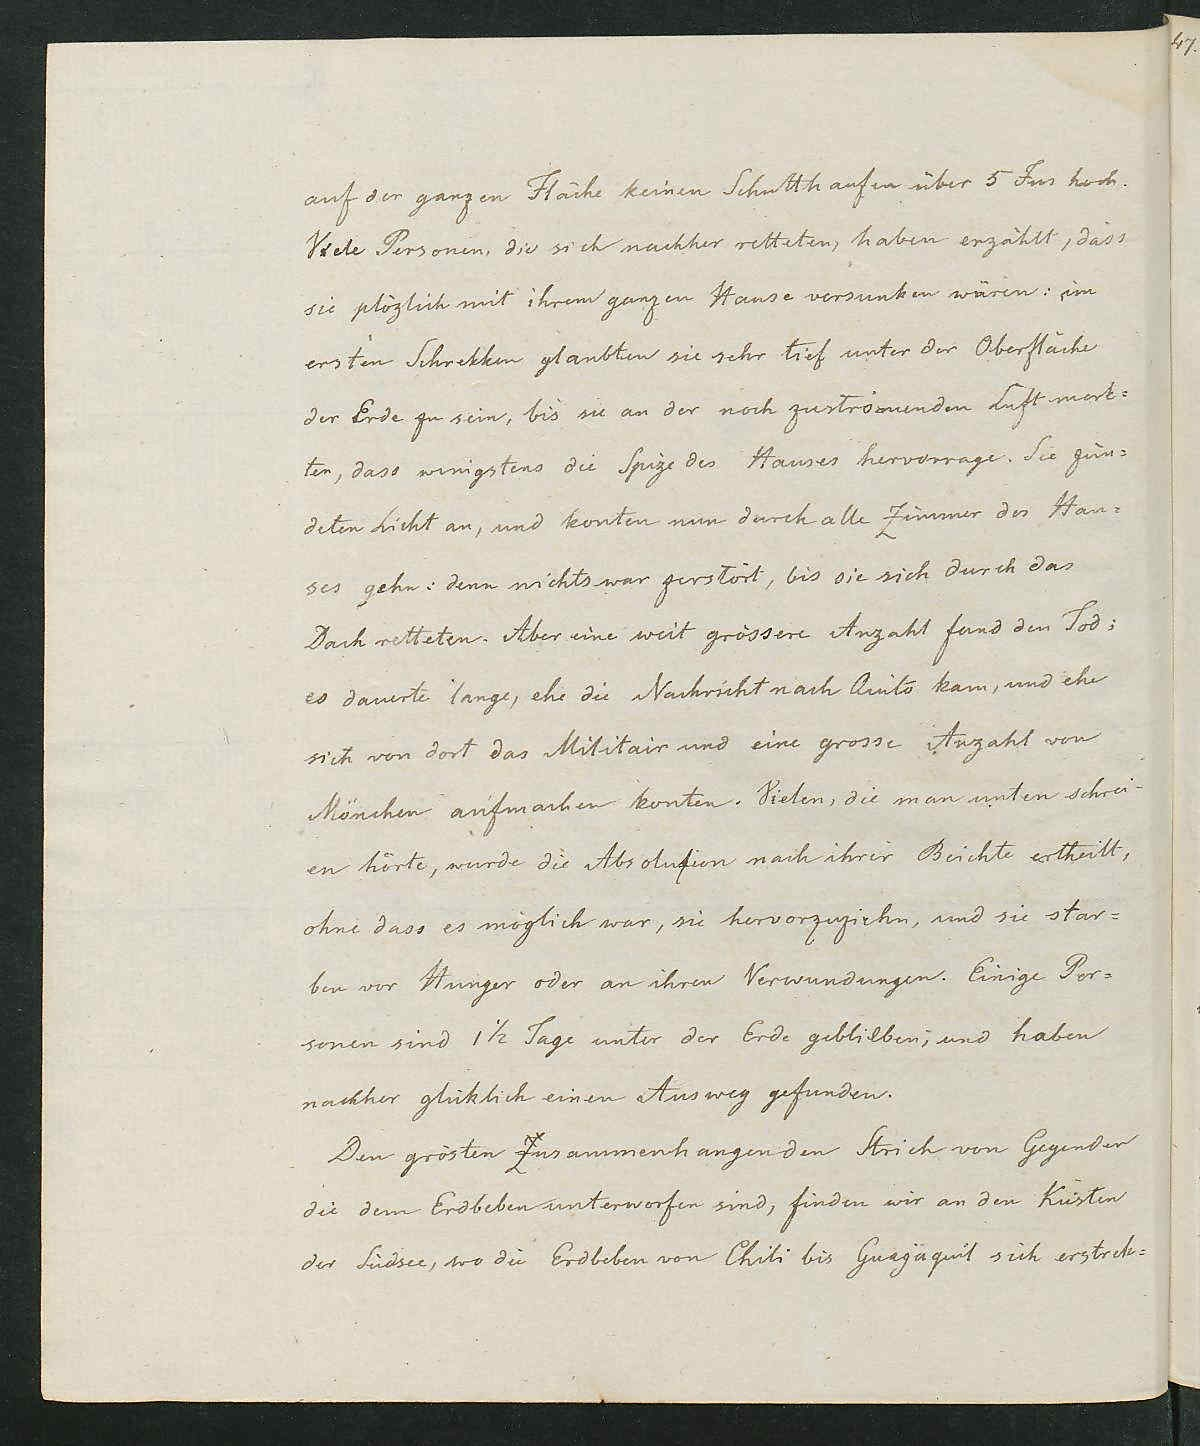auf der ganzen Fläche keinen Schutthaufen über 5 Fus hoch.
Viele Personen, die sich nachher retteten, haben erzählt, dass
sie plözlich mit ihrem ganzen Hause versunken wären: im
ersten Schrekken glaubten sich sehr tief unter der Oberfläche
der Erde zu sein, bis sie an der noch zuströmenden Luft merk-
ten, dass wenigstens die Spize des Hauses hervorrage. Sie zün-
deten Licht an, und konten nun durch alle Zimmer des Hau-
ses gehn: denn nichts war zerstört, bis sie sich durch das
Dach retteten. Aber eine weit grössere Anzahl fand den Tod;
es dauerte lange, ehe die Nachricht nach Quito kam, und ehe
sich von dort das Militair und eine grosse Anzahl von
Mönchen aufmachen konten. Vielen, die man unten schrei-
en hörte, wurde die Absolutzion nach ihrer Beichte ertheilt,
ohne dass es möglich war, sie hervorzuziehen, und sie star-
ben vor Hunger oder an ihren Verwundungen. Einige Per-
sonen sind 1½ Tage unter der Erde geblieben; und haben
nachher glüklich einen Ausweg gefunden.
Den grösten Zzusammenhangenden Strich von Gegenden
die dem Erdbeben unterworfen sind, finden wir an den Küsten
der Südsee, wo die Erdbeben von Chili bis Guayaquil sich erstrek-